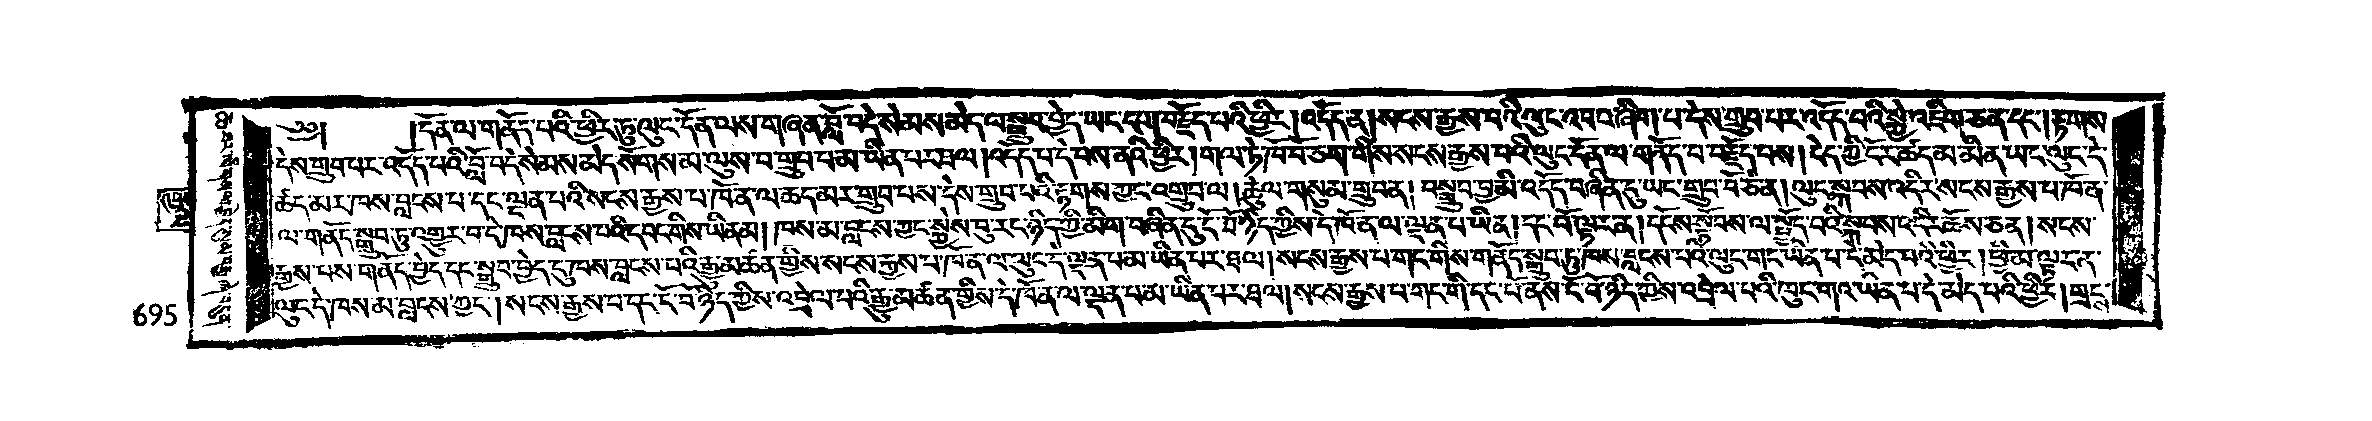༄༅། །དོན་ལ་གནོད་པའི་ཕྱིར་ཏུ་ལུང་དོན་ལས་གཞན་བློ་བདེ་སེམས་མེད་ལ་སྒྲུབ་བྱེད་ཡང་དག་བརྗོད་པའི་ཕྱིར། འདོད་ན། སངས་རྒྱས་པའི་ལུང་འབའ་ཞིག་པ་དེས་གྲུབ་པར་འདོད་པའི་སྐྱེ་འཇིག་ཅན་དང་། རྟགས་
དེས་གྲུབ་པར་འདོད་པའི་བློ་བདེ་སེམས་མེད་སོགས་མ་ལུས་པ་གྲུབ་པ་མ་ཡིན་པར་ཐལ། འདོད་པ་དེ་བས་ནའི་ཕྱིར། གལ་ཏེ་ཁོ་བོ་ཅག་གིས་སངས་རྒྱས་པའི་ལུང་དོན་ལ་གནོད་པ་བརྗོད་པས། དེད་ཀྱི་ངོར་ཚད་མ་མིན་ཡང་ལུང་དེ་
ཚད་མར་ཁས་བླངས་པ་དང་ལྡན་པའི་སངས་རྒྱས་པ་ཁོ་?་ན་ལ་ཚད་མར་གྲུབ་པས་དེས་གྲུབ་པའི་རྟགས་ཀྱང་འགྲུབ་ལ། ཚུལ་གསུམ་གྲུབ་ན། བསྒྲུབ་བྱ་མི་འདོད་བཞིན་དུ་ཡང་གྲུབ་བོ་ཅན། ལུང་སྐབས་འདིར་སངས་རྒྱས་པ་ཁོ་ན་
ལ་གནོད་སྒྲུབ་ཏུ་འགྱུར་བ་དེ་ཁས་བླངས་པའི་དབང་གིས་ཡིན་མ། ཁས་མ་བླངས་ཀྱང་སྐྱེས་བུ་རང་ཉིད་ཀྱི་མིག་བཞིན་དུ་ངོ་བོ་ཉིད་ཀྱིས་དེ་ཁོ་ན་ལ་ལྡན་པ་ཡིན། དང་པོ་ལྟར་ན། དངོས་སྟོབས་ལ་སྤྱོད་པའི་སྐབས་འདིར་ཆོས་ཅན། སངས་
རྒྱས་པས་གནོད་བྱེད་དང་སྒྲུབ་བྱེད་དུ་ཁས་བླངས་པའི་རྒྱུ་མཚན་གྱིས་སངས་རྒྱས་པ་ཁོ་ན་ལ་ལུང་དེ་ལྡན་པ་མ་ཡིན་པར་ཐལ། སངས་རྒྱས་པ་གང་གིས་གནོད་སྒྲུབ་ཏུ་ཁས་བླངས་པའི་ལུང་གང་ཡིན་པ་དེ་མེད་པའི་ཕྱིར། ཕྱི་མ་ལྟར་ན་
ལུང་དེ་ཁས་མ་བླངས་ཀྱང་། སངས་རྒྱས་པ་དང་ངོ་བོ་ཉིད་ཀྱིས་འབྲེལ་པའི་རྒྱུ་མཚན་གྱིས་དེ་ཁོ་ན་ལ་ལྡན་པ་མ་ཡིན་པར་ཐལ། སངས་རྒྱས་པ་གང་གི་དང་པོ་ནས་ངོ་བོ་ཉིད་ཀྱིས་འབྲེལ་པའི་ཁུང་གང་?་ཡིན་པ་དེ་མེད་པའི་ཕྱིར། གྲངས་